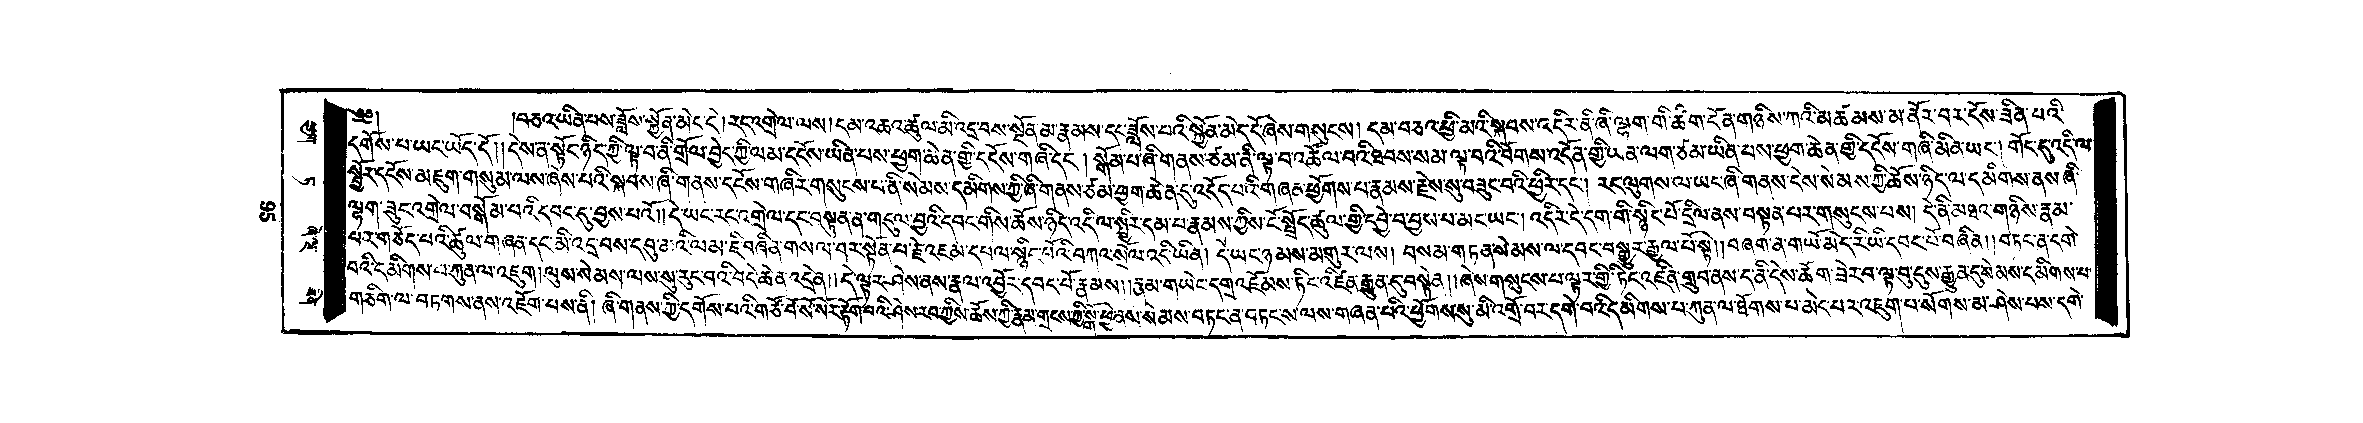༄༅། བཅའ་ཡིན་པས་ཟློས་སྐྱོན་མེད་དེ། རང་འགྲེལ་ལས། ད་འཆའ་ཚུལ་མི་འདྲ་བས་སྔོན་མ་རྣམས་དང་ཟློས་པའི་སྐྱོན་མེད་དོ་ཞེས་གསུངས། དམ་བཅའ་ཕྱི་མའི་སྐབས་འདིར་ནི་ཞི་ལྷག་གི་ཚིག་དོན་གཉིས་ཀའི་མཚམས་མ་ནོར་བར་ངོས་ཟིན་པའི་
དགོས་པ་ཡང་ཡོད་དོ། །དེས་ན་སྟོང་ཉིད་ཀྱི་ལྟ་བ་ནི་གྲོལ་བྱེད་ཀྱི་ལམ་དངོས་ཡིན་པས་ཕྱག་ཆེན་གྱི་དངོས་གཞི་དང་། སྒོམ་པ་ཞི་གནས་ཙམ་ནི་ལྟ་བ་འཚོལ་བའི་ཐབས་སམ་ལྟ་བའི་བོགས་འདོན་གྱི་ཡན་ལག་ཙམ་ཡིན་པས་ཕྱག་ཆེན་གྱི་དངོས་གཞི་མིན་ཡང་། གོང་དུ་འདི་ལ་
སྦྱོར་དངོས་མཇུག་གསུམ་ལས་ཞེས་པའི་སྐབས་ཞི་གནས་དངོས་གཞིར་གསུངས་པ་ནི་སེམས་དམིགས་ཀྱི་ཞི་གནས་ཙམ་ཕྱག་ཆེན་དུ་འདོད་པའི་གཞན་ཕྱོགས་པ་རྣམས་རྗེས་སུ་བཟུང་བའི་ཕྱིར་དང་། རང་ལུགས་ལ་ཡང་ཞི་གནས་དེས་སེམས་ཀྱི་ཆོས་ཉིད་ལ་དམིགས་ནས་ཞི་
ལྷག་ཟུང་འགྲེལ་བསྒོམ་པའི་དབང་དུ་བྱས་པའོ། །དེ་ཡང་རང་འགྲེལ་དང་བསྟུན་ན་གདུལ་བྱའི་དབང་གིས་ཆོས་ཉིད་འདི་ལ་སྤྱིར་དམ་པ་རྣམས་ཀྱིས་ངོ་སྤྲོད་ཚུལ་གྱི་དབྱེ་བ་བྱས་པ་མང་ཡང་། འདིར་དེ་དག་གི་སྙིང་པོ་དྲིལ་ནས་བསྟན་པར་གསུངས་པས། དེ་ནི་མཐའ་གཉིས་རྣམ་
པར་གཅོད་པའི་ཚུལ་གཞན་དང་མི་འདྲ་བས་དབུ་མའི་ལམ་ཇི་བཞིན་གསལ་བར་སྟོན་པ་རྗེ་འཇམ་དཔལ་སྙིང་པོའི་བཀའ་སྲོལ་འདི་ཡིན། དེ་ཡང་ཉམས་མགུར་ལས། བསམ་གཏན་སེམས་ལ་དབང་བསྒྱུར་རྒྱལ་པོ་སྟེ། །བཞག་ན་གཡོ་མེད་རི་ཡི་དབང་པོ་བཞིན། །བཏང་ན་དགེ་བའི་དམིགས་པ་ཀུན་ལ་འཇུག །ལུས་སེམས་ལས་སུ་རུང་བའི་བདེ་ཆེན་འདྲེན། །དེ་ལྟར་ཤེས་ནས་རྣལ་འབྱོར་དབང་པོ་རྣམས། །རྣམ་གཡེང་དགྲ་འཇོམས་ཏིང་འཛིན་རྒྱུན་དུ་བསྟེན། །ཞེས་གསུངས་པ་ལྟར་གྱི་ཏིང་འཛིན་གྲུབ་ནས་ད་ནི་དེས་ཆོག་ཟེར་བ་ལྟ་བུ་དུས་རྒྱུན་དུ་སེམས་དམིགས་པ་
གཅིག་ལ་བཏགས་ནས་འཇོག་པས་ནི། ཞི་གནས་ཀྱི་དགོས་པའི་གཙོ་བོ་སོ་སོར་རྟོག་པའི་ཤེས་རབ་ཀྱིས་ཆོས་ཀྱི་རྣམ་གྲངས་ཀྱི་སྒོ་ཕྱེ་ནས་སེམས་བཏང་ན་བཏང་ས་ལས་གཞན་པའི་ཕྱོགས་སུ་མི་འགྲོ་བར་དགེ་བའི་དམིགས་པ་ཀུན་ལ་ཐོགས་པ་མེད་པར་འཇུག་པ་སོགས་མ་ཤེས་པས་དགེ་